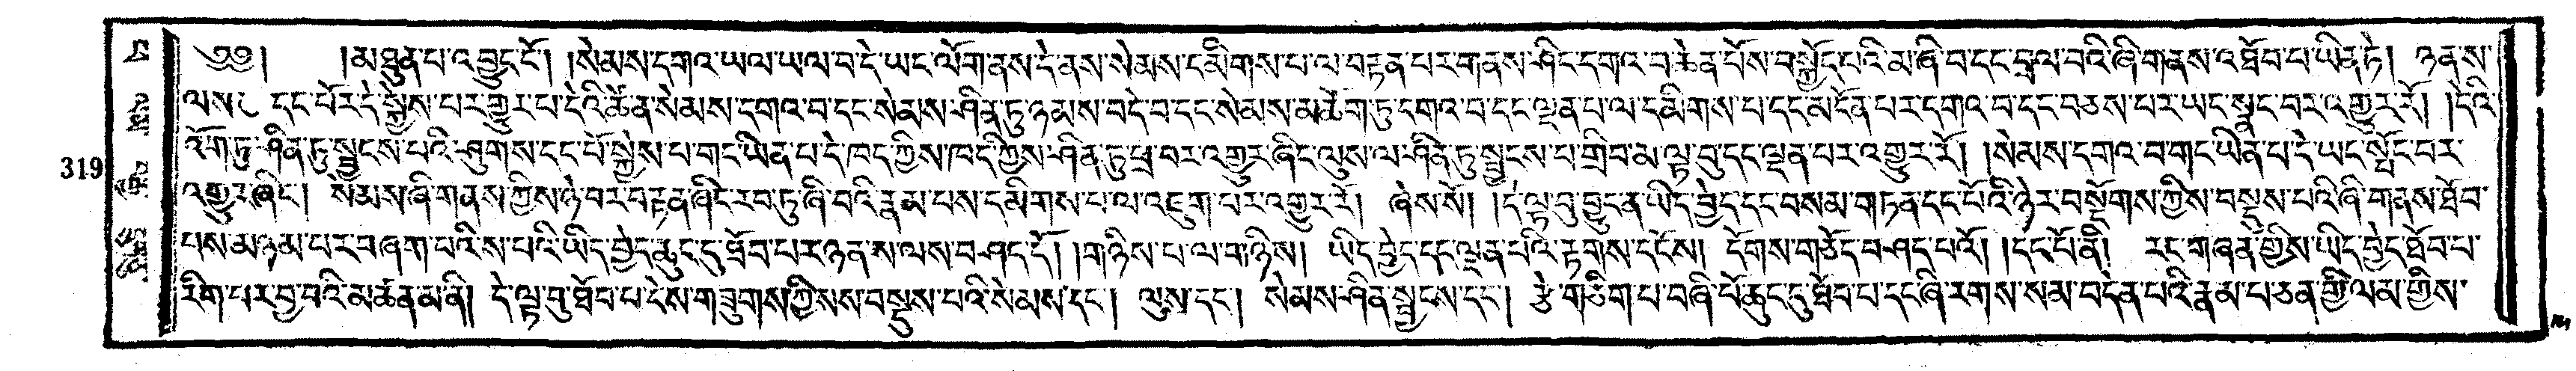༄༅། །མཐུན་པ་འབྱུང་ངོ། །སེམས་དགའ་ཡལ་ཡལ་བ་དེ་ཡང་ལོག་ནས་དེ་ནས་སེམས་དམིགས་པ་ལ་བརྟན་པར་གནས་ཤིང་དགའ་བ་ཆེན་པོས་བསྐྱོད་པའི་མ་ཞི་བ་དང་བྲལ་བའི་ཞི་གནས་འཐོབ་པ་ཡིན་ཏེ། ཉན་ས་
ལས༑ དང་པོར་དེ་སྐྱེས་པར་གྱུར་པ་དེའི་ཚེ་ན་སེམས་དགའ་བ་དང་སེམས་ཤིན་ཏུ་ཉམས་བདེ་བ་དང་སེམས་མཆོག་ཏུ་དགའ་བ་དང་ལྡན་པ་ལ་དམིགས་པ་དང་མངོན་པར་དགའ་བ་དང་བཅས་པར་ཡང་སྣང་བར་འགྱུར་རོ། །དེའི་
འོག་ཏུ་ཤིན་ཏུ་སྦྱངས་པའི་ཤུགས་དང་པོ་སྐྱེས་པ་གང་ཡིན་པ་དེ་ཁད་ཀྱིས་ཁད་ཀྱིས་ཤིན་ཏུ་ཕྲ་བར་འགྱུར་ཞིང་ལུས་ལ་ཤིན་ཏུ་སྦྱངས་པ་གྲིབ་མ་ལྟ་བུ་དང་ལྡན་པར་འགྱུར་རོ། །སེམས་དགའ་བ་གང་ཡིན་པ་དེ་ཡང་སྤོང་བར་
འགྱུར་ཞིང་། སེམས་ཞི་གནས་ཀྱིས་ཉེ་བར་བརྟན་ཞིང་རབ་ཏུ་ཞི་བའི་རྣམ་པས་དམིགས་པ་ལ་འཇུག་པར་འགྱུར་རོ། ཞེས་སོ། །དེ་ལྟ་བུ་བྱུང་ན་ཡིད་བྱེད་དང་བསམ་གཏན་དང་པོའི་ཉེར་བསྔོགས་ཀྱིས་བསྡུས་པའི་ཞི་གནས་ཐོབ་
པས་མཉམ་པར་བཞག་པའི་ས་པའི་ཡིད་བྱེད་ཆུང་དུ་ཐོབ་པར་ཉན་ས་ལས་བཤད་དོ། །གཉིས་པ་ལ་གཉིས། ཡིད་བྱེད་དང་ལྡན་པའི་རྟགས་དངོས། དོགས་གཅོད་བཤད་པའོ། །དང་པོ་ནི། རང་གཞན་གྱིས་ཡིད་བྱེད་ཐོབ་པ་
རིག་པར་བྱ་བའི་མཚན་མ་ནི། དེ་ལྟ་བུ་ཐོབ་པ་ངེས་གཟུགས་ཀྱིས་ས་བསྡུས་པའི་སེམས་དང་། ལུས་དང་། སེམས་ཤིན་སྦྱངས་དང་། རྩེ་གཅིག་པ་བཞི་པོ་ཆུང་དུ་ཐོབ་པ་དང་ཞི་རབས་སམ་བདེན་པའི་རྣམ་པ་ཅན་གྱི་ལམ་གྱིས་